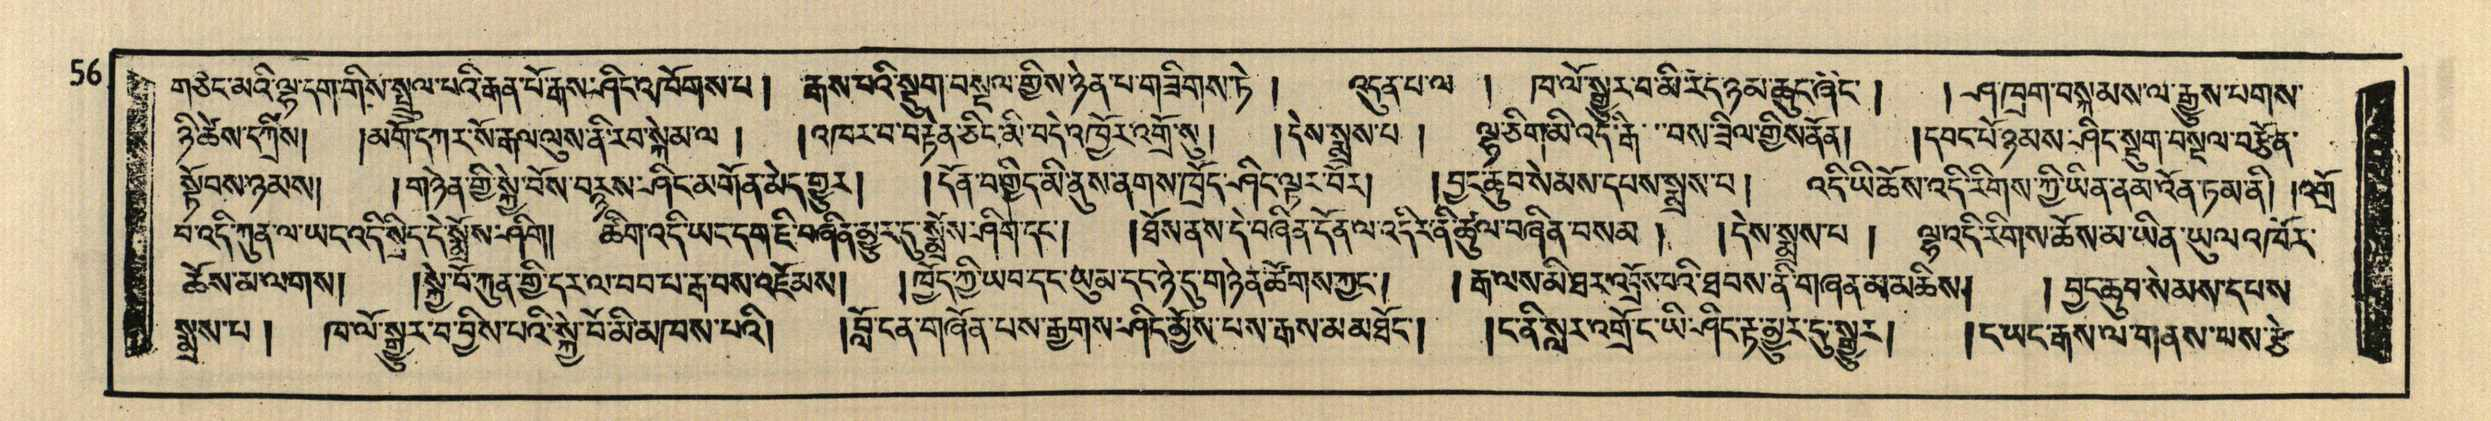གཅེང་མའི་ལྷ་དག་གིས་སྤྲུལ་པའི་རྒན་པོ་རྒས་ཤིང་འཁོགས་པ། རྒས་པའི་སྡུག་བསྔལ་གྱིས་ཉེན་པ་གཟིགས་ཏེ། འདུན་པ་ལ། ཁ་ལོ་སྒྱུར་བ་མི་རེད་ཉམ་ཆུང་ཞིང་། །ཤ་ཁྲག་བསྐམས་ལ་རྒྱུས་པགས་
ཉི་ཚེས་དཀྲིས། །མགོ་དཀར་སོ་རྒལ་ལུས་ནི་རབ་སྐེམ་ལ། །འཁར་བ་བརྟེན་ཅིང་མི་བདེ་འཁྱོར་འགྲོ་སུ། །དེས་སྨྲས་པ། ལྷ་ཅིག་མི་འདི་རྒི་བས་ཟིལ་གྱིས་ནོན། །དབང་པོ་ཉམས་ཤིང་སྡུག་བསྔལ་བརྩོན་
སྟོབས་ཉམས། །གཉེན་གྱི་སྐྱེ་བོས་བརྙས་ཤིང་མགོན་མེད་གྱུར། །དོན་བགྱིད་མི་ནུས་ནགས་ཁྲོད་ཤིང་ལྟར་བོར། །བྱང་ཆུབ་སེམས་དཔས་སྨྲས་པ། འདི་ཡི་ཆོས་འདི་རིགས་ཀྱི་ཡིན་ནམ་འོན་ཏམ་ནི། །འགྲོ་
བ་འདི་ཀུན་ལ་ཡང་འདི་སྲིད་དེ་སྨྲོས་ཤིག། ཚིག་འདི་ཡང་དག་ཇི་བཞིན་མྱུར་དུ་སྨྲོས་ཤིག་དང་། །ཐོས་ནས་དེ་བཞིན་དོན་ལ་འདིར་ནི་ཚུལ་བཞིན་བསམ། །དེས་སྨྲས་པ། ལྷ་འདི་རིགས་ཆོས་མ་ཡིན་ཡུལ་འཁོར་
ཆོས་མ་ལགས། །སྐྱེ་བོ་ཀུན་གྱི་དར་ལ་བབ་པ་རྒ་བས་འཇོམས། །ཁྱོད་ཀྱི་ཡབ་དང་ཡུམ་དང་ཉེ་དུ་གཉེན་ཚོགས་ཀྱང་། །རྒ་ལས་མི་ཐར་འབྲོས་པའི་ཐབས་ནི་གཞན་མ་མཆིས། །བྱང་ཆུབ་སེམས་དཔས་
སྨྲས་པ། ཁ་ལོ་སྒྱུར་བ་བྱིས་པའི་སྐྱེ་བོ་མི་མཁས་པའི། །བློ་ངན་གཞོན་པས་རྒྱགས་ཤིང་མྱོས་པས་རྒས་མ་མཐོང་། །ང་ནི་སླར་འགྲོ་ང་ཡི་ཤིང་རྟ་མྱུར་དུ་སྒྱུར། །ད་ཡང་རྒས་ལ་གནས་པས་རྩེ་